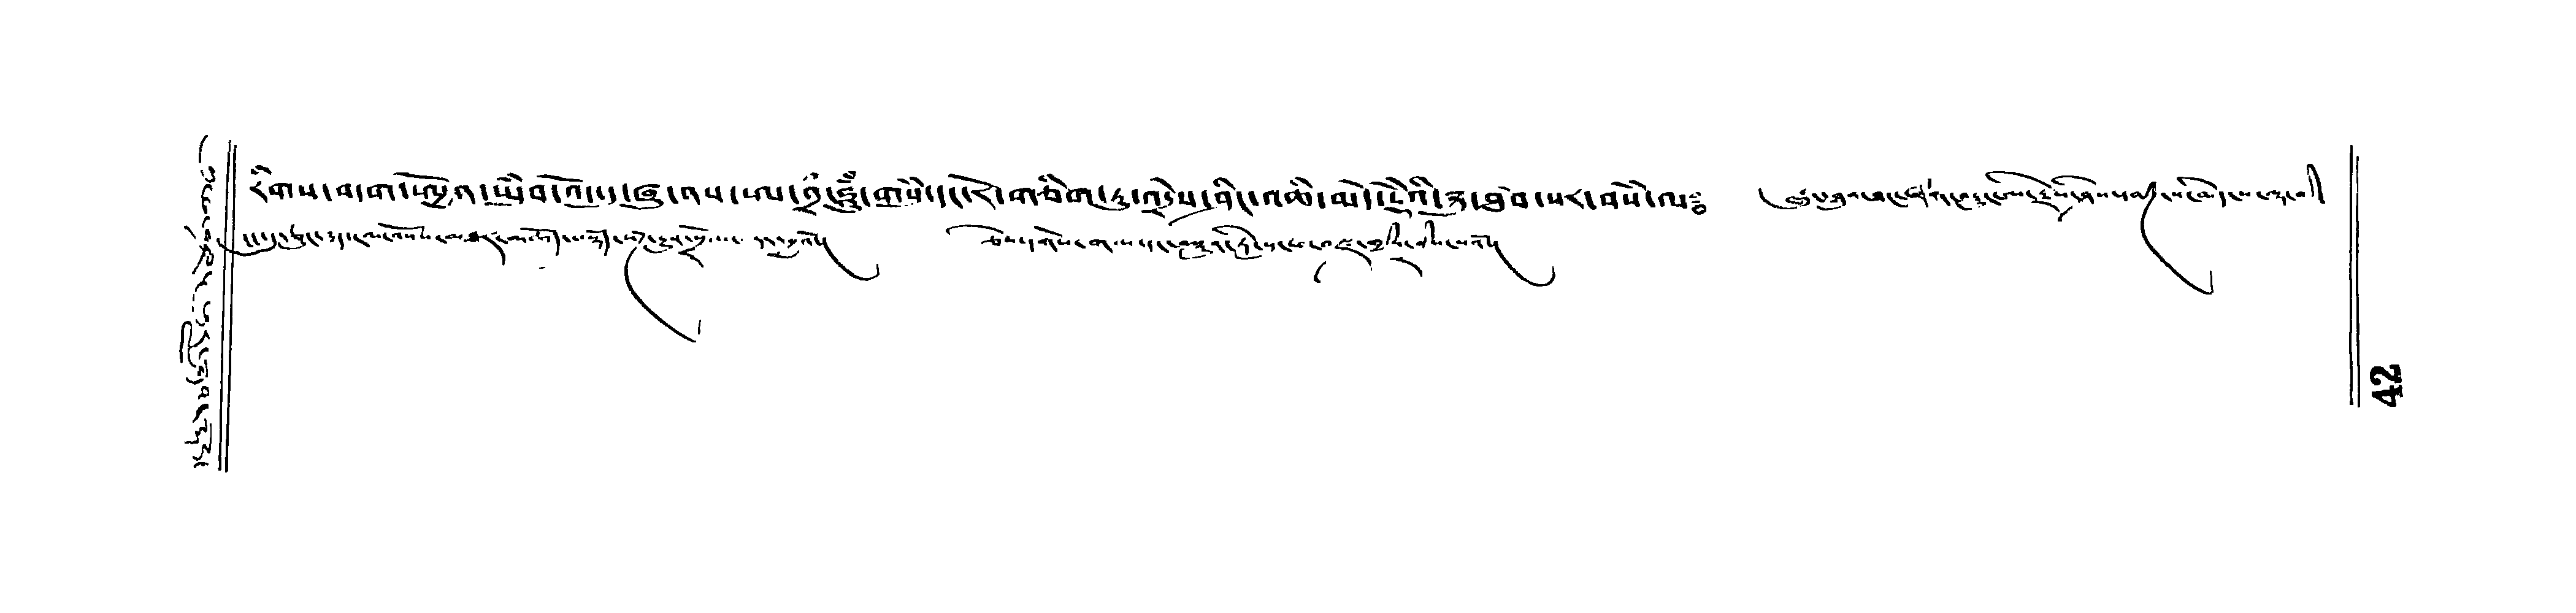རིགས་བདག་ཨོ་རྒྱན་ཡབ་ཡུམ་འོད་དུ་ཞུ་ནས་ཨ་ནྲྀ་ཧཱུྃ་གསུམ་དང་རོ་གཅིག་ཏུ་འདྲེས་ཤིང་འཆི་མེད་རྡོ་རྗེའི་སྐུ་ཐོབ་པར་བསམ་ལ༔ རླུང་ཐུན་ཐང་ཞིག་བཟུང་ལ་རྗེས་ཤེས་དམིགས་པ་མེད་པ་ལྟ་བའི་
ངང་དུ་ཅུང་ཟད་ངལ་གསོས་མཐར་མཆོད་བསྟོད་སོགས་རྒྱུན་སྲོལ་ལྟར་བྱའོ། ཅེས་དགོས་གལ་དང་བསྟུན་ཏེ་སུ་ཁ་བཛྲ་གྱིས་བྲིས་པའོ།།